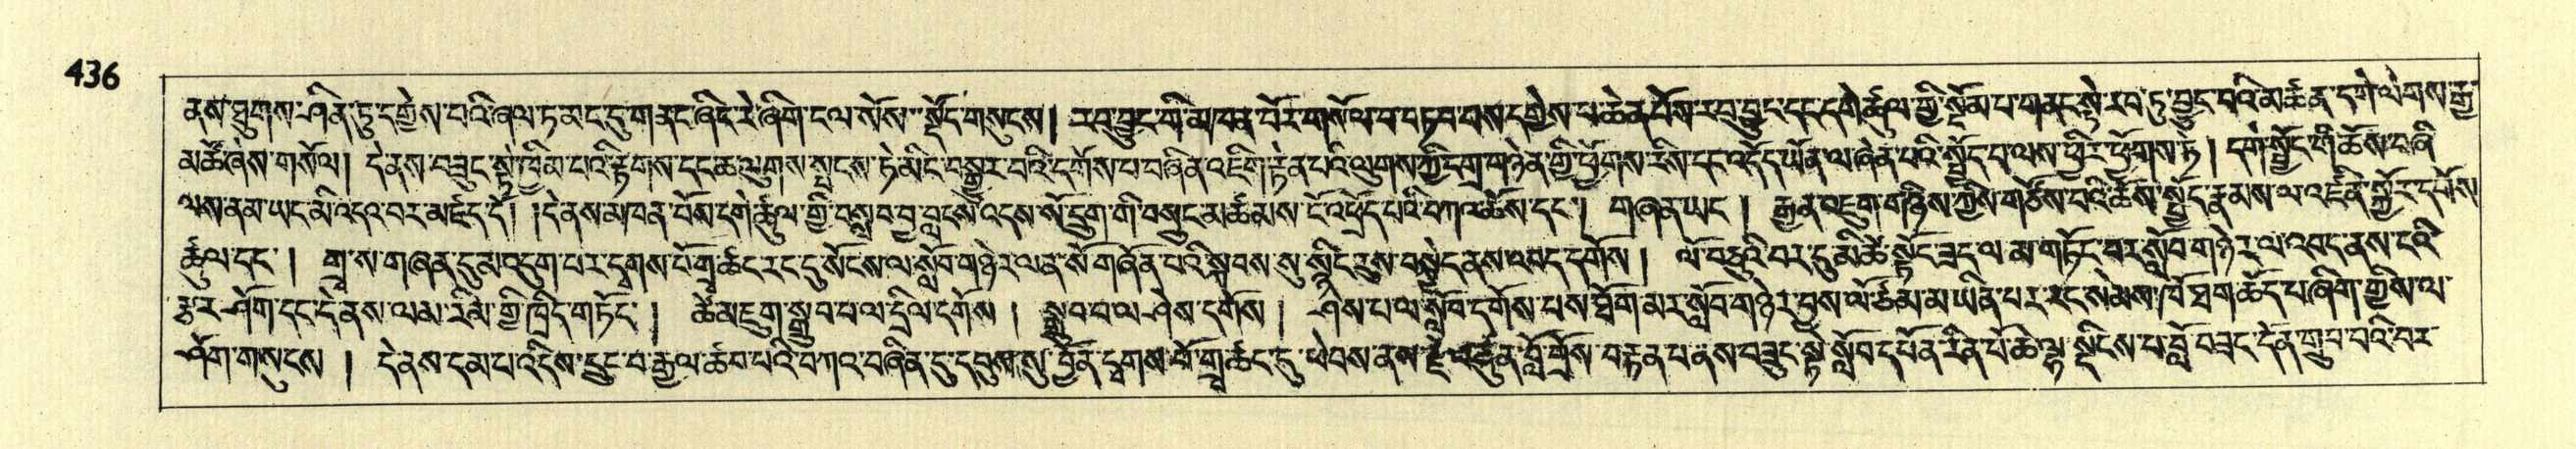ནས་ཐུགས་ཤིན་ཏུ་དགྱེས་པའི་ཞལ་ཏ་མང་དུ་གནང་ཞིང་རེ་ཞིག་ངལ་སོས་སྡོང་གསུངས། རབ་བྱུང་གི་མཁན་བོར་གསོལ་བ་བཏབ་པས་དགྱེས་པ་ཆེན་པོས་རབ་བྱུང་དང་དགེ་ཚུལ་གྱི་སྡོམ་པ་གནང་སྟེ་རབ་ཏུ་བྱུང་བའི་མཚན་དགེ་ལེགས་རྒྱ་
མཚོ་ཞེས་གསོལ། དེ་ནས་བཟུང་སྟེ་ཁྱིམ་པའི་རྟགས་དང་ཆ་ལུགས་སྤངས་ཏེ་མིང་བསྒྱུར་བའི་དགོས་པ་བཞིན་འཇིག་རྟེན་པའི་ལུགས་ཀྱི་དགྲ་གཉེན་གྱི་ཕྱོགས་རིས་དང་འདོད་ཡོན་ལ་ཞེན་པའི་སྤྱོད་པ་ལས་ཕྱིར་ཕྱོགས་ཏེ། དགེ་སྦྱོང་གི་ཆོས་བཞི་
ལས་ནམ་ཡང་མི་འདའ་བར་མཛད་དོ། །དེ་ནས་མཁན་པོས་དགེ་ཚུལ་གྱི་བསླབ་བྱ་བླངས་འདས་སོ་དྲུག་གི་བསྲུང་མཚམས་ངོ་འཕྲོད་པའི་བཀའ་ཆོས་དང་། གཞན་ཡང་། རྒྱན་འཇུག་གཉིས་ཀྱིས་གཙོས་པའི་ཆོས་སྤྱོད་རྣམས་ལ་འཛིན་སྐྱོར་དགོས་
ཚུལ་དང་། གྲྭ་ས་གཞན་དུ་མ་འདུག་པར་དྭགས་པོ་གྲྭ་ཚང་རང་དུ་སོངས་ལ་སློབ་གཉེར་ལན་སོ་གཞོན་པའི་སྐབས་སུ་སྙིང་རུས་བསྐྱེད་ནས་འབད་དགོས། ལོ་བཅུའི་བར་དུ་མི་ཚེ་སྟོང་ཟད་ལ་མ་གཏོང་བར་སློབ་གཉེར་ལ་འབད་ནས་ངའི་
རྩར་ཤོག་དང་དེ་ནས་ལམ་རིམ་གྱི་ཁྲིད་གཏོང་། ཚེ་མཇུག་སྒྲུབ་པ་ལ་དྲིལ་དགོས། སྒྲུབ་པ་ལ་ཤེས་དགོས། ཤེས་པ་ལ་སློབ་དགོས་པས་ཐོག་མར་སློབ་གཉེར་བྱས་ལོ་ཙམ་མ་ཡིན་པར་རང་སེམས་ཁོ་ཐག་ཆོད་པ་ཞིག་གྱིས་ལ་
ཤོག་གསུངས། དེ་ནས་དམ་པ་འདིས་དྲུང་བ་རྒྱལ་ཚབ་པའི་བཀའ་བཞིན་དུ་དབུས་སུ་བྱོན་དྭགས་པོ་གྲྭ་ཚང་དུ་ཕེབས་ནས་རྗེ་བཙུན་བློ་གྲོས་བརྟན་པ་ནས་བཟུང་སྟེ་སློབ་དཔོན་རིན་པོ་ཆེ་ལྷ་སྡིངས་པ་བློ་བཟང་དོན་གྲུབ་པའི་བར་